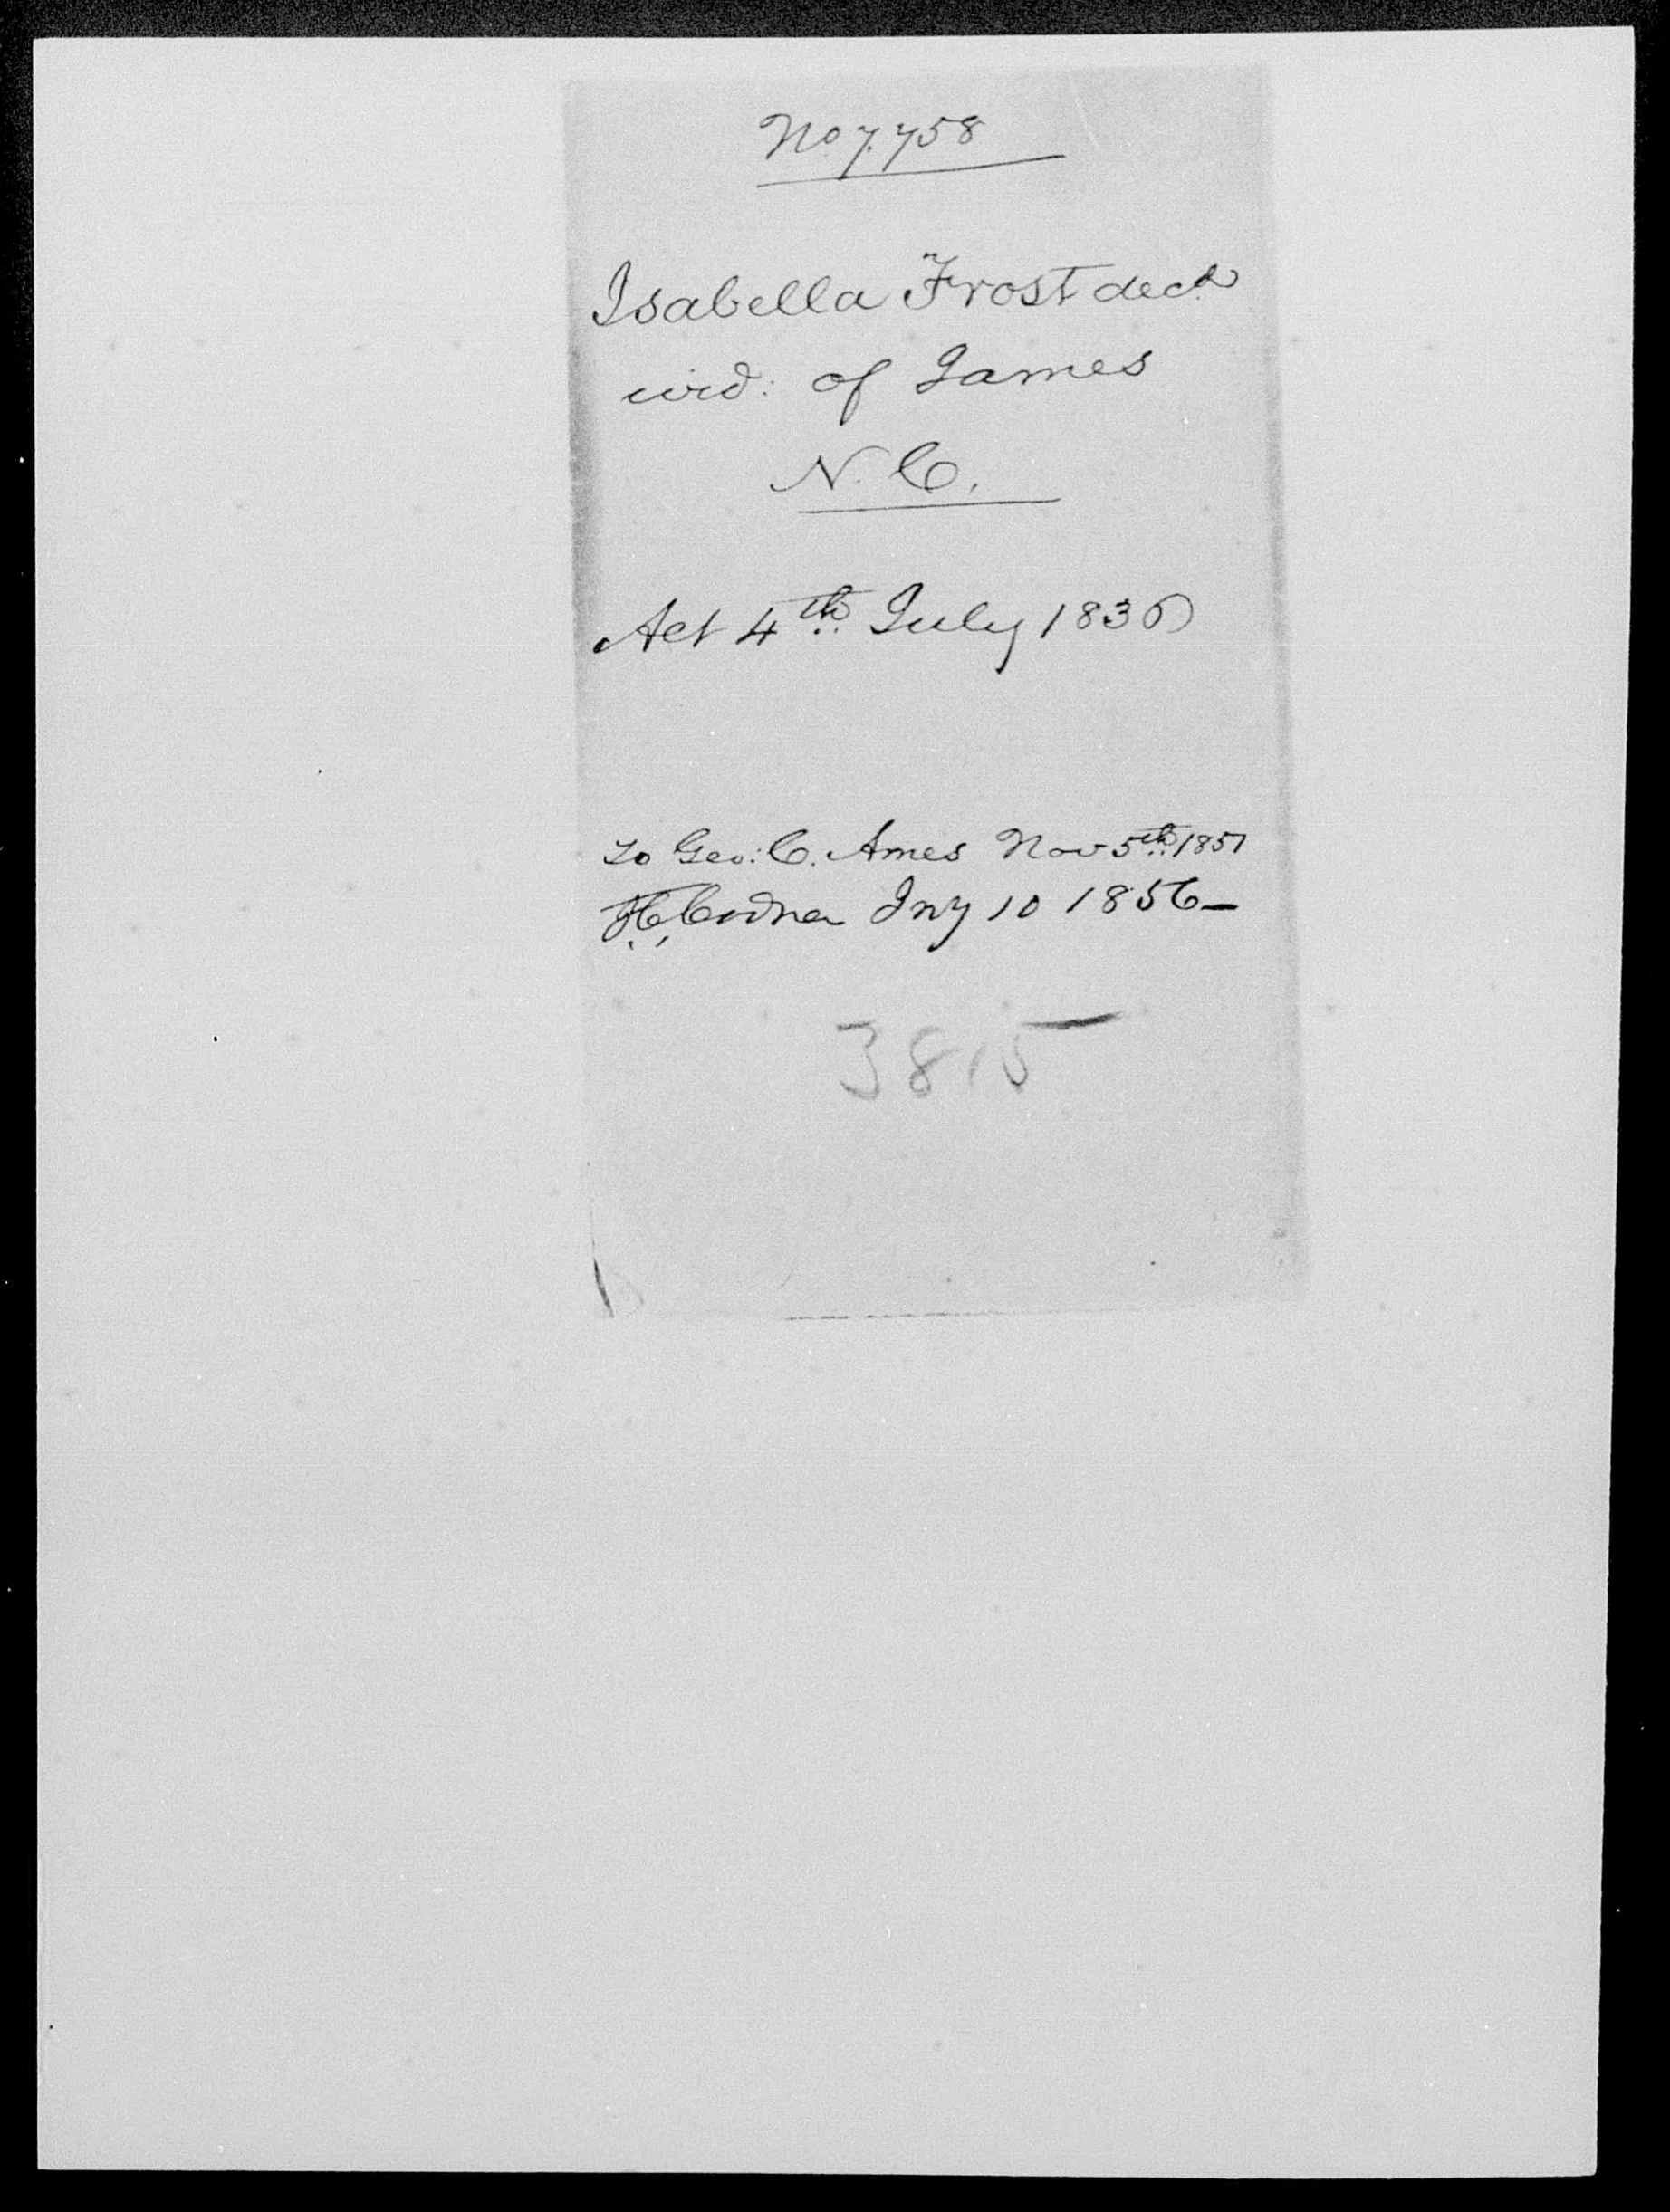No 7. 758[?]
Isabella Frost decd.
wid. of James 
N.C.
Act 4th July 1830
To Geo. C. Ames Nov 5th 1857
J.C. Codner Jny 10 1856-
3815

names: Isabella Frost, James Frost, J C Codner, Geo C Ames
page: 12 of 15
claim: rejected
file: R. 3815, James Frost, N.C.